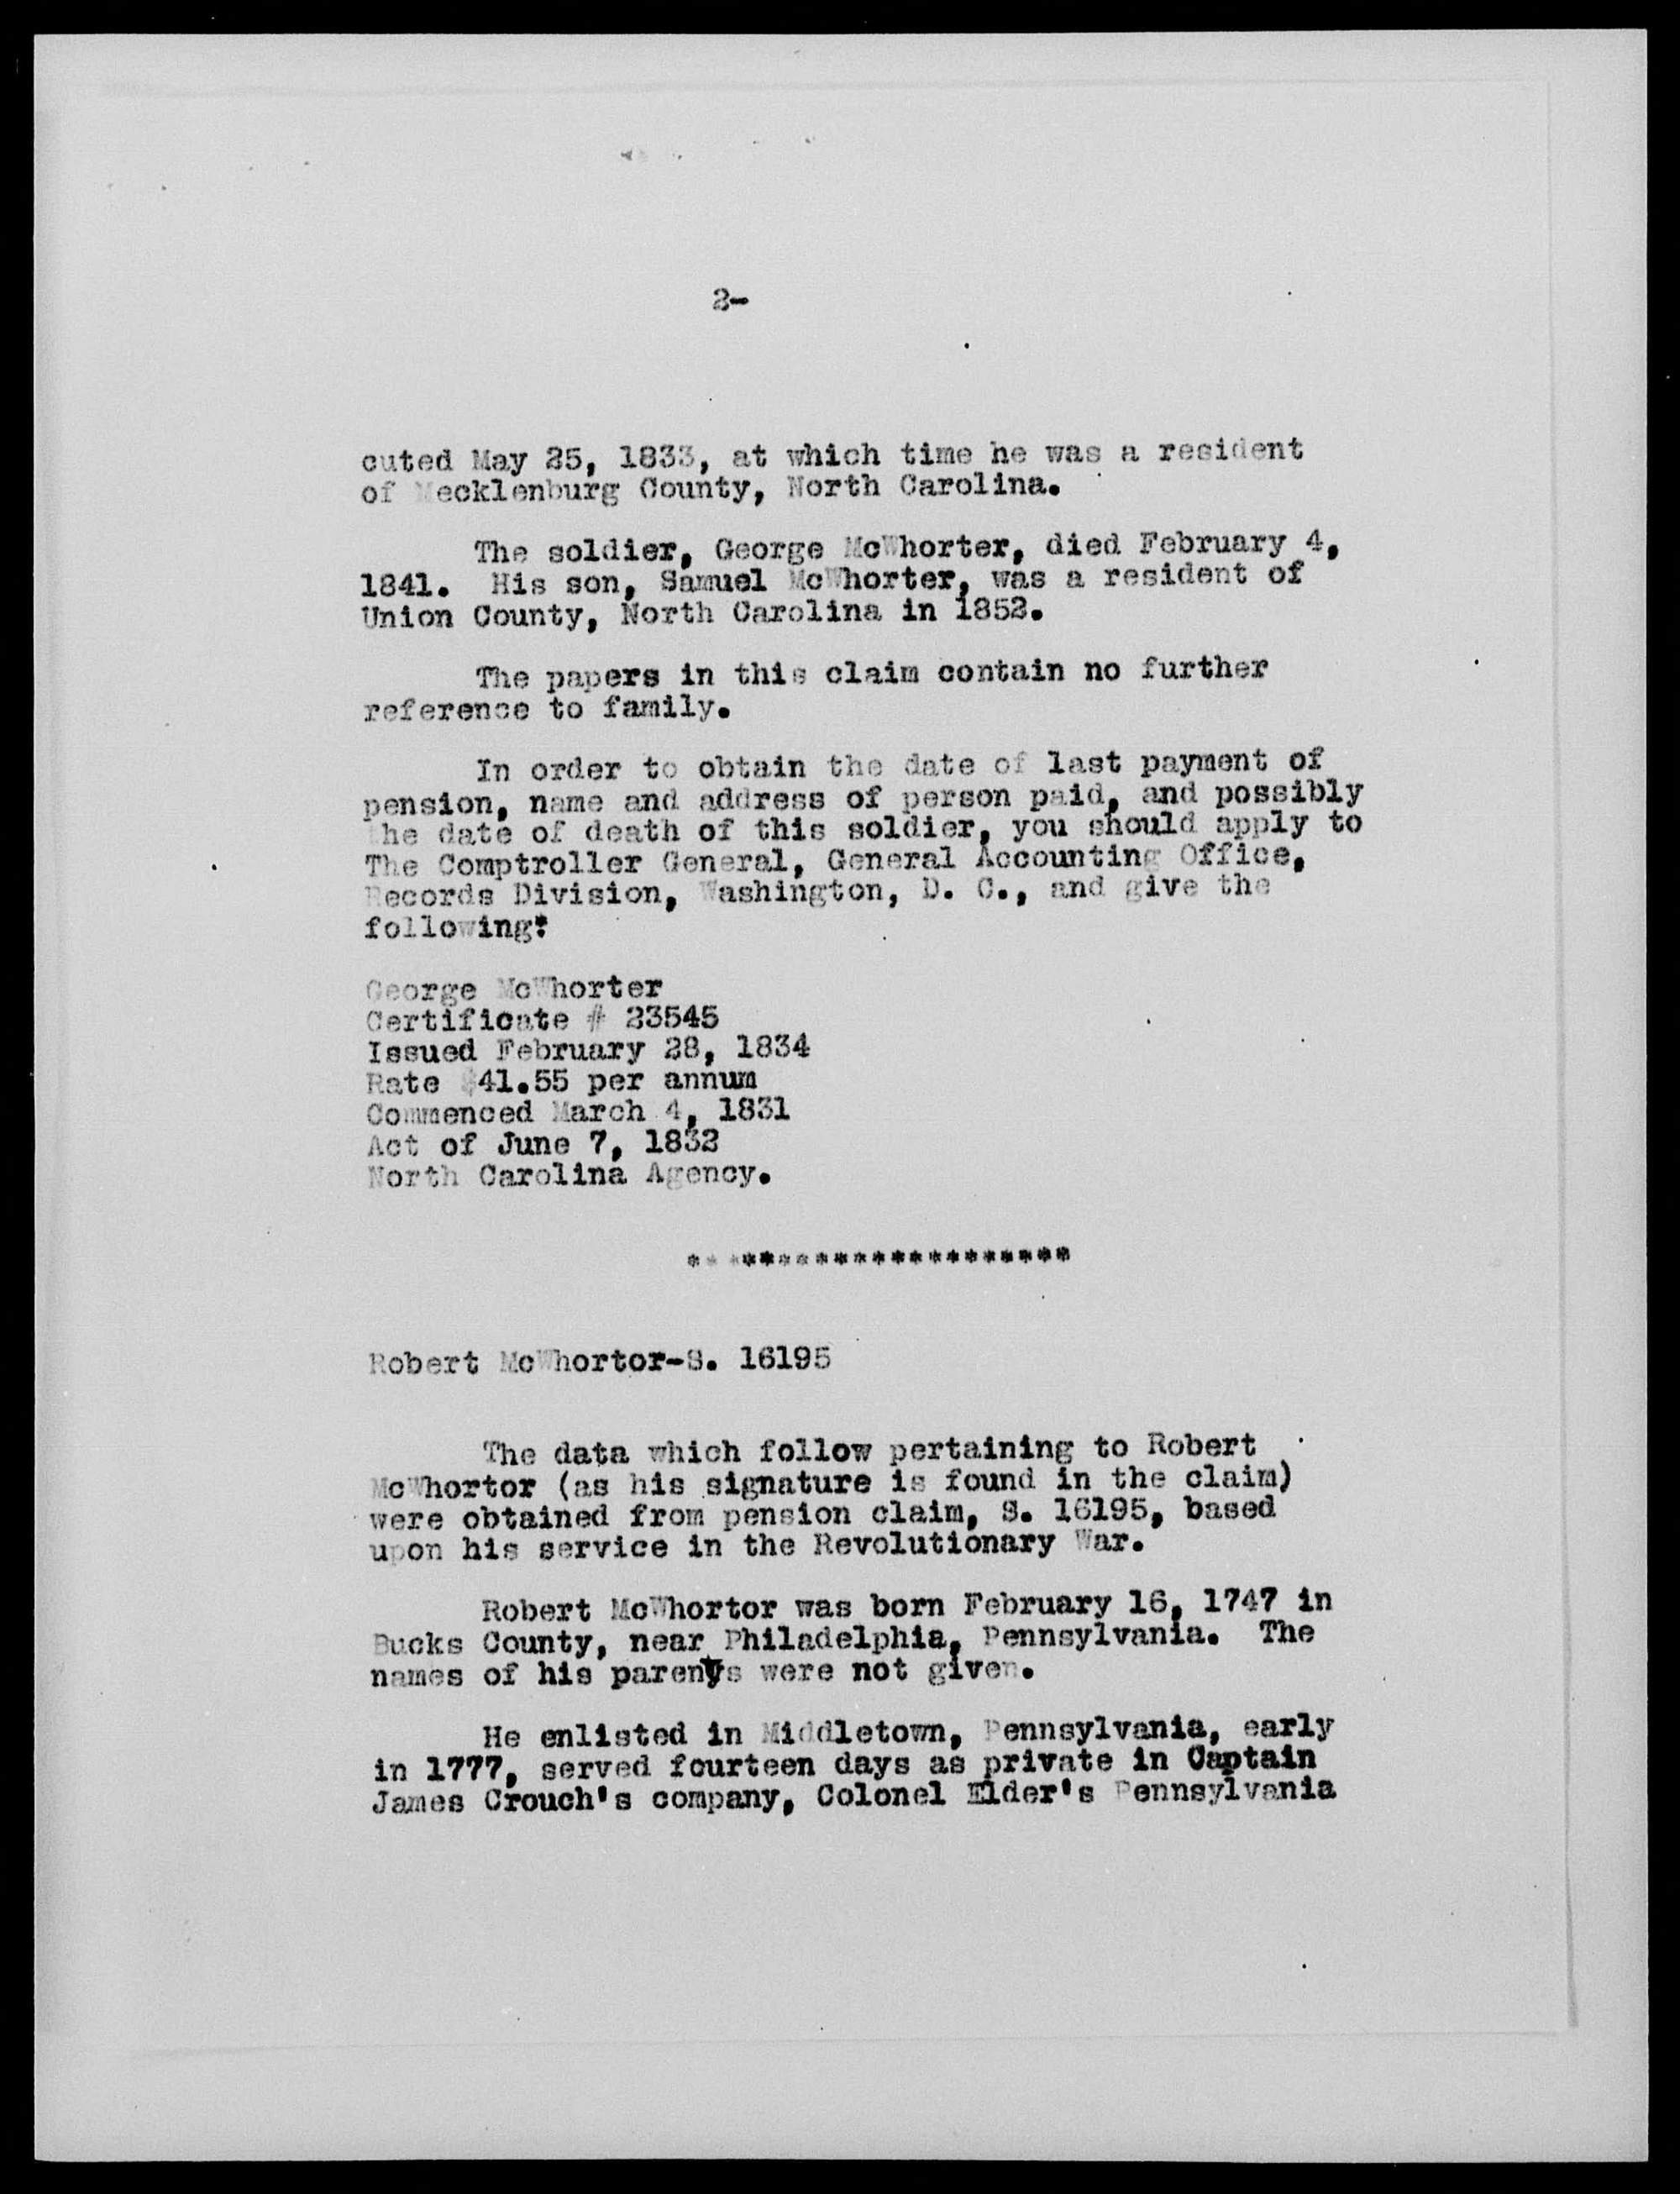cuted May 25, 1833, at which time he was a resident
of Mecklenburg County, North Carolina.
The soldier, George McWhorter, died February 4,
1841. His son, Samuel McWhorter, was a resident of
Union County, North Carolina in 1852.
The papers in this claim contain no further
reference to family.
In order to obtain the date of last payment of
pension, name and address of person paid and possibly
he date of death of this soldier, you should apply to
The Comptroller General, General Accounting Office,
Records Division, Washington, D. C., and give the
following?
George McWhorter
Certificate # 23545
Issued February 28, 1834
Rate $41.55 per annum
Commenced March 4, 1831
Act of June 7, 1832
North Carolina Agency.
this
Robert McWhortor-S. 16195
The data which follow pertaining to Robert
McWhorter (as his signature is found in the claim )
were obtained from pension claim, S. 16195, based
upon his service in the Revolutionary War.
Robert McWhorter was born February 16, 1747 in
Bucks County, near Philadelphia, Pennsylvania. The
names of his parents were not given.
He enlisted in Middletown, Pennsylvania, early
in 1777, served fourteen days as private in Captain
James Crouch's company, Colonel Elder's Pennsylvania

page: 34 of 35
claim: survivor's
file: S. 9,011, for George Mc Whorter, North Carolina